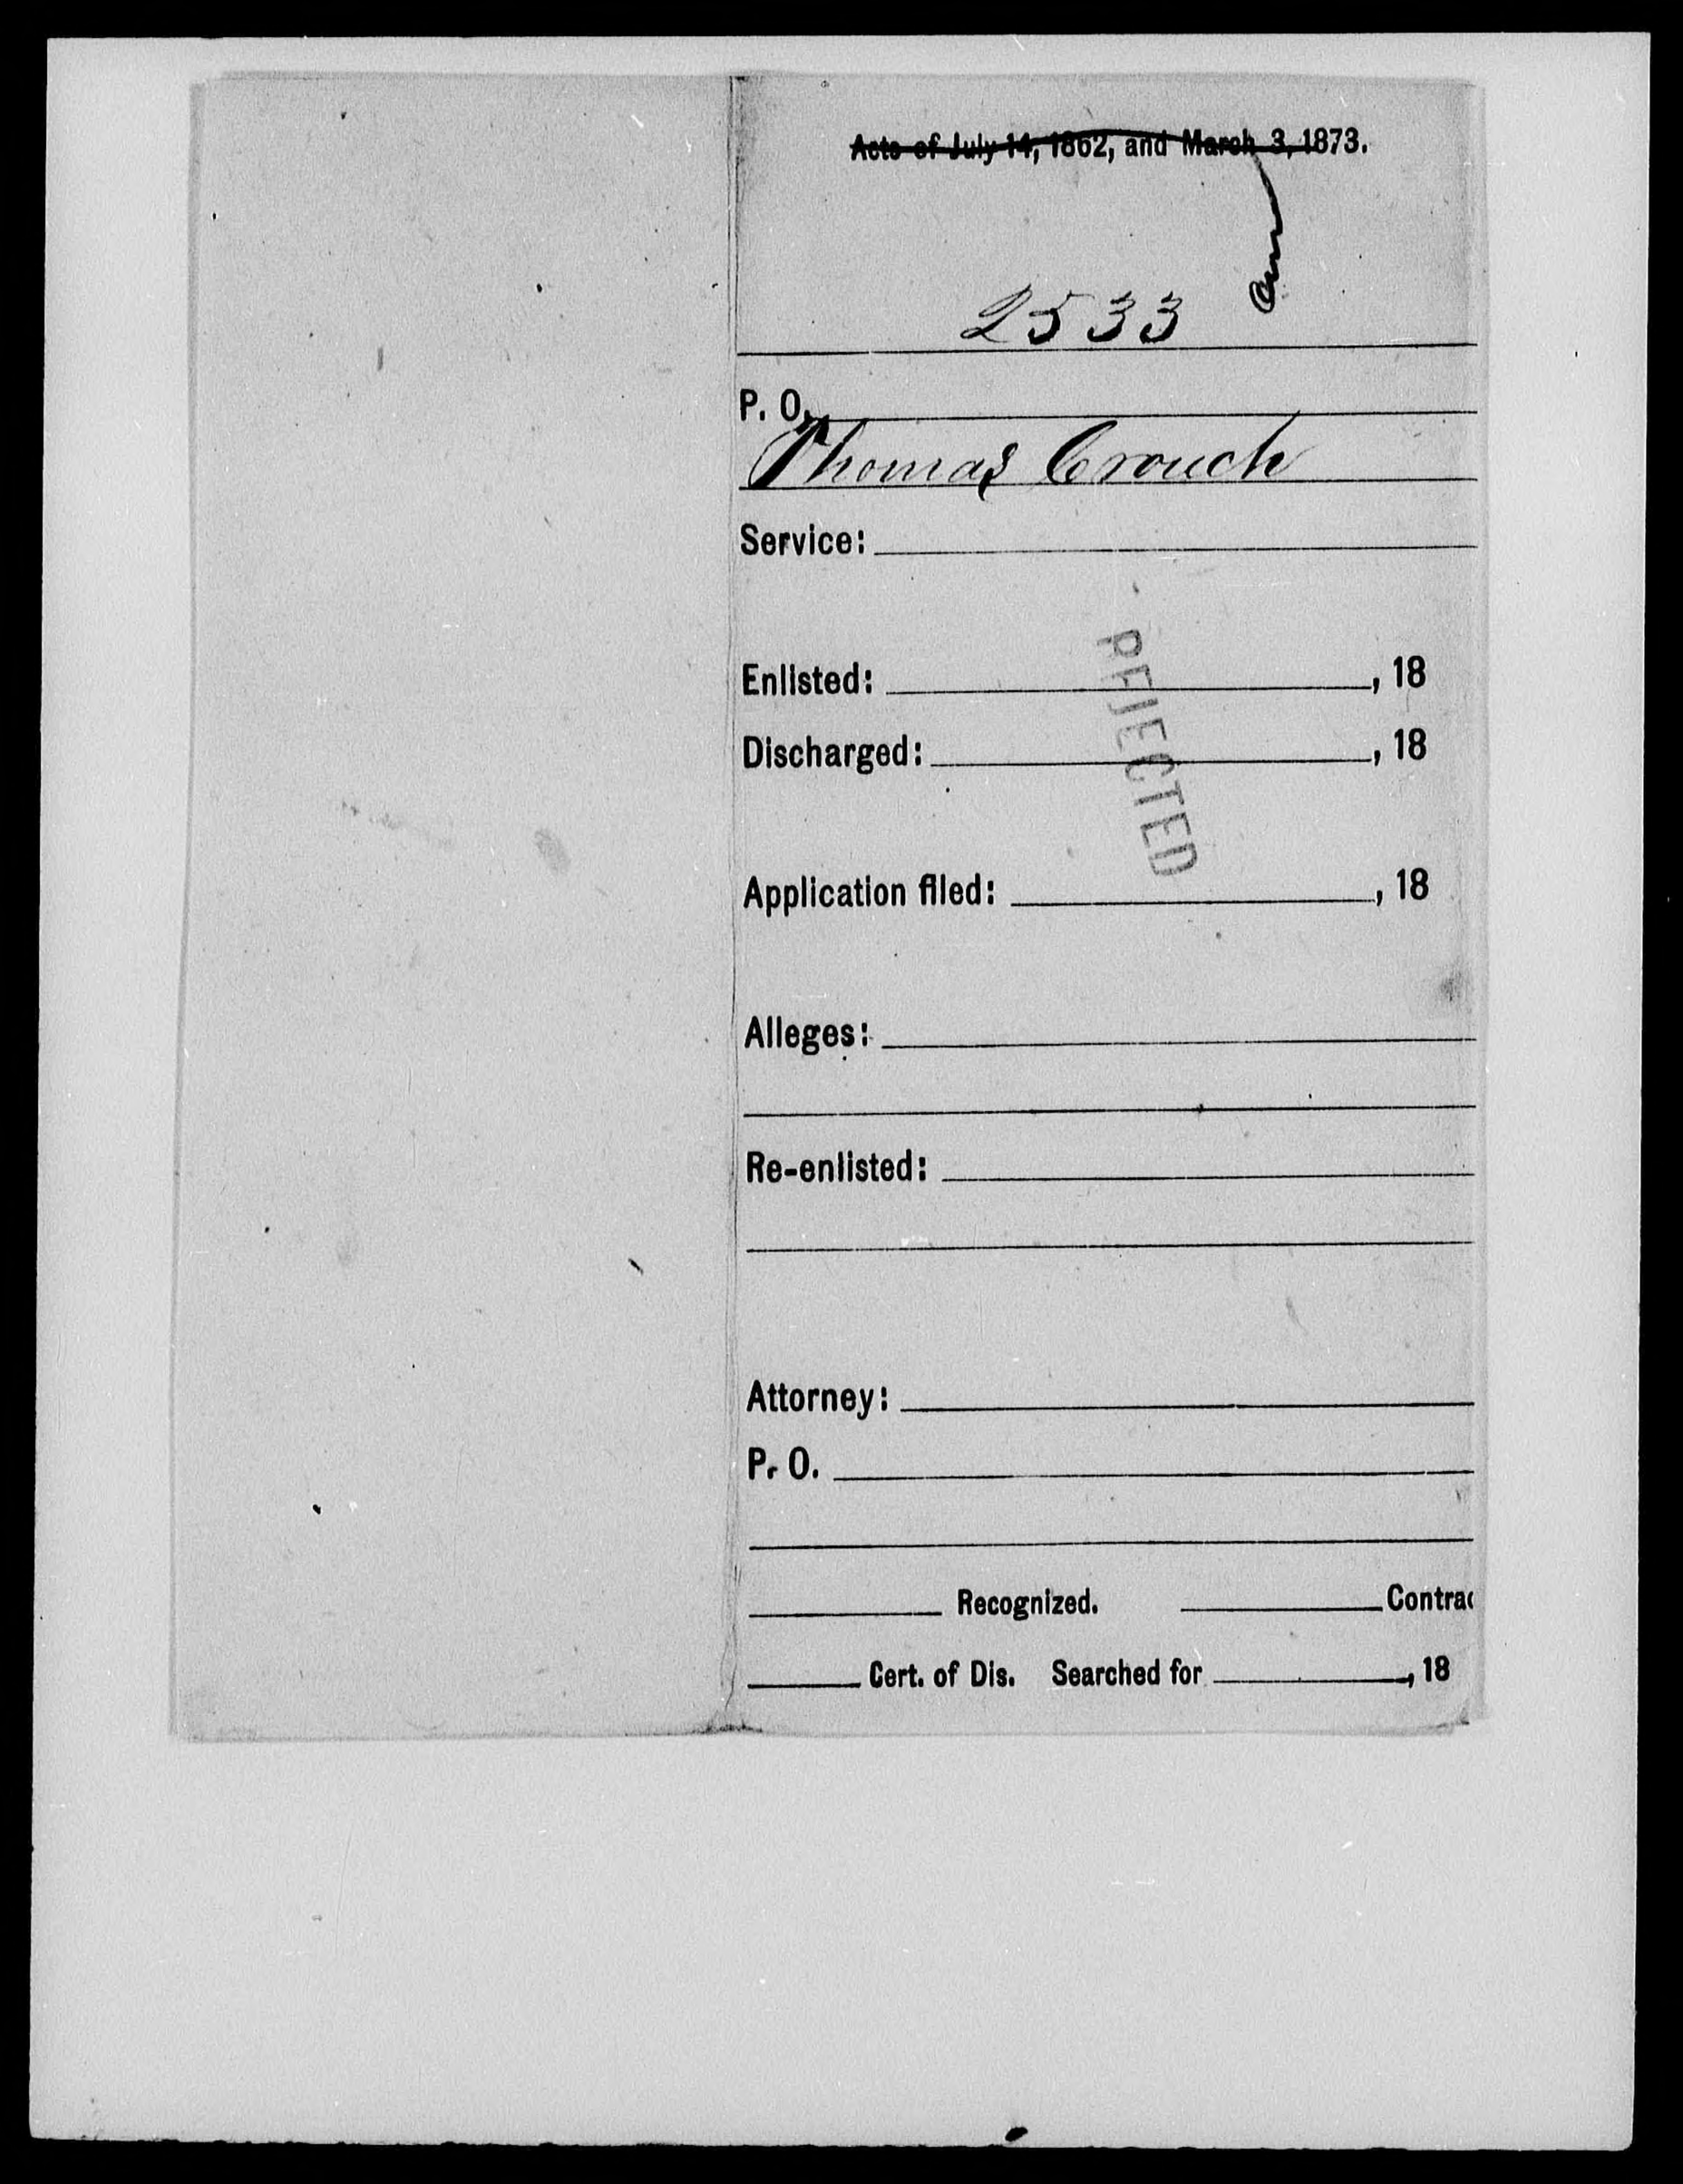[Crossed out: Act of July, 1802, and March 3, 1873.]

2533
P.O.____
Thomas Crouch
Service:____
Enlisted:____, 18__
Discharged:____, 18__

REJECTED

Application filed:____, 18__

Alleges:____
Re-enlisted:____

Attorney:____
P. O.____
____Recognized. ____Contract
____Cert. of Dis. Searched for____, 18__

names: Thomas Crouch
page: 5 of 8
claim: rejected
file: R. 2,533, Thomas Crouch, Md.